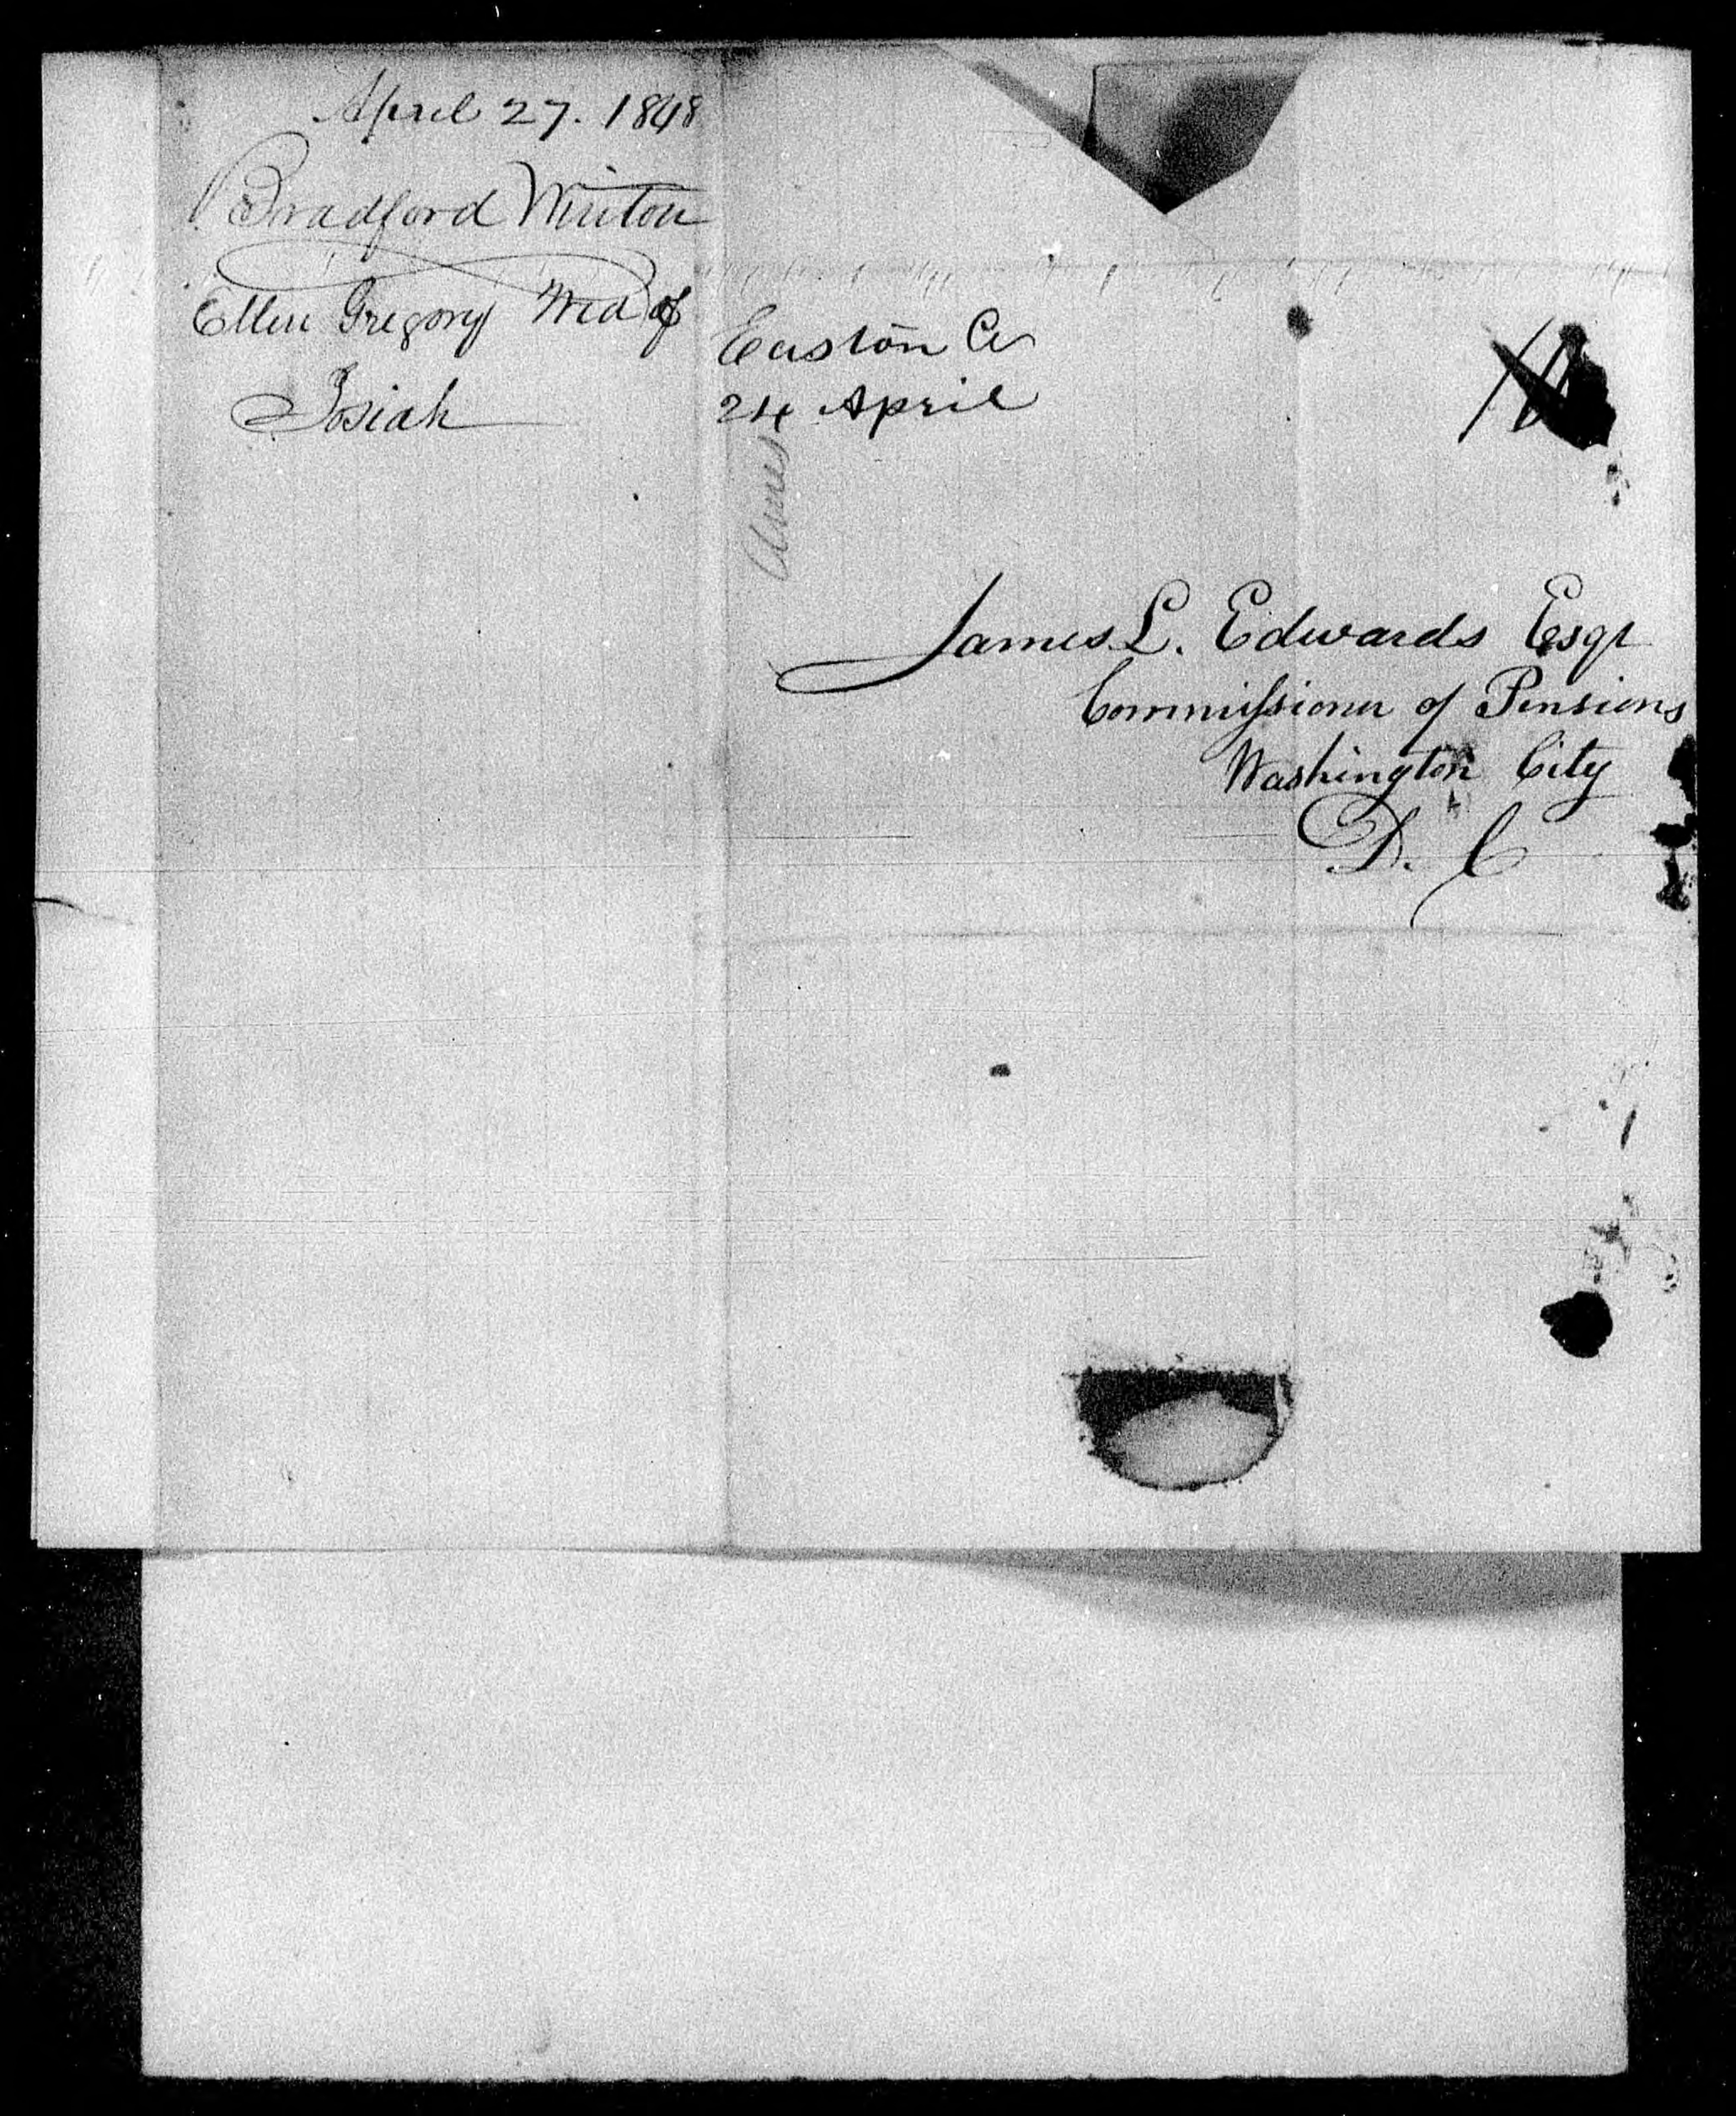April 27. 1848
Bradford Winton
Ellen Gregory Wid of
   Josiah

   Easton Ct
   24 April


      James L. Edwards Esqr             
            Commissioner of Pensions 
                     Washington City
                                 D.C.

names: Josiah Gregory, James L Edwards, Bradford Winton, Ellen Gregory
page: 29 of 49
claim: widow's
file: W 24308, Josiah Gregory, Conn.